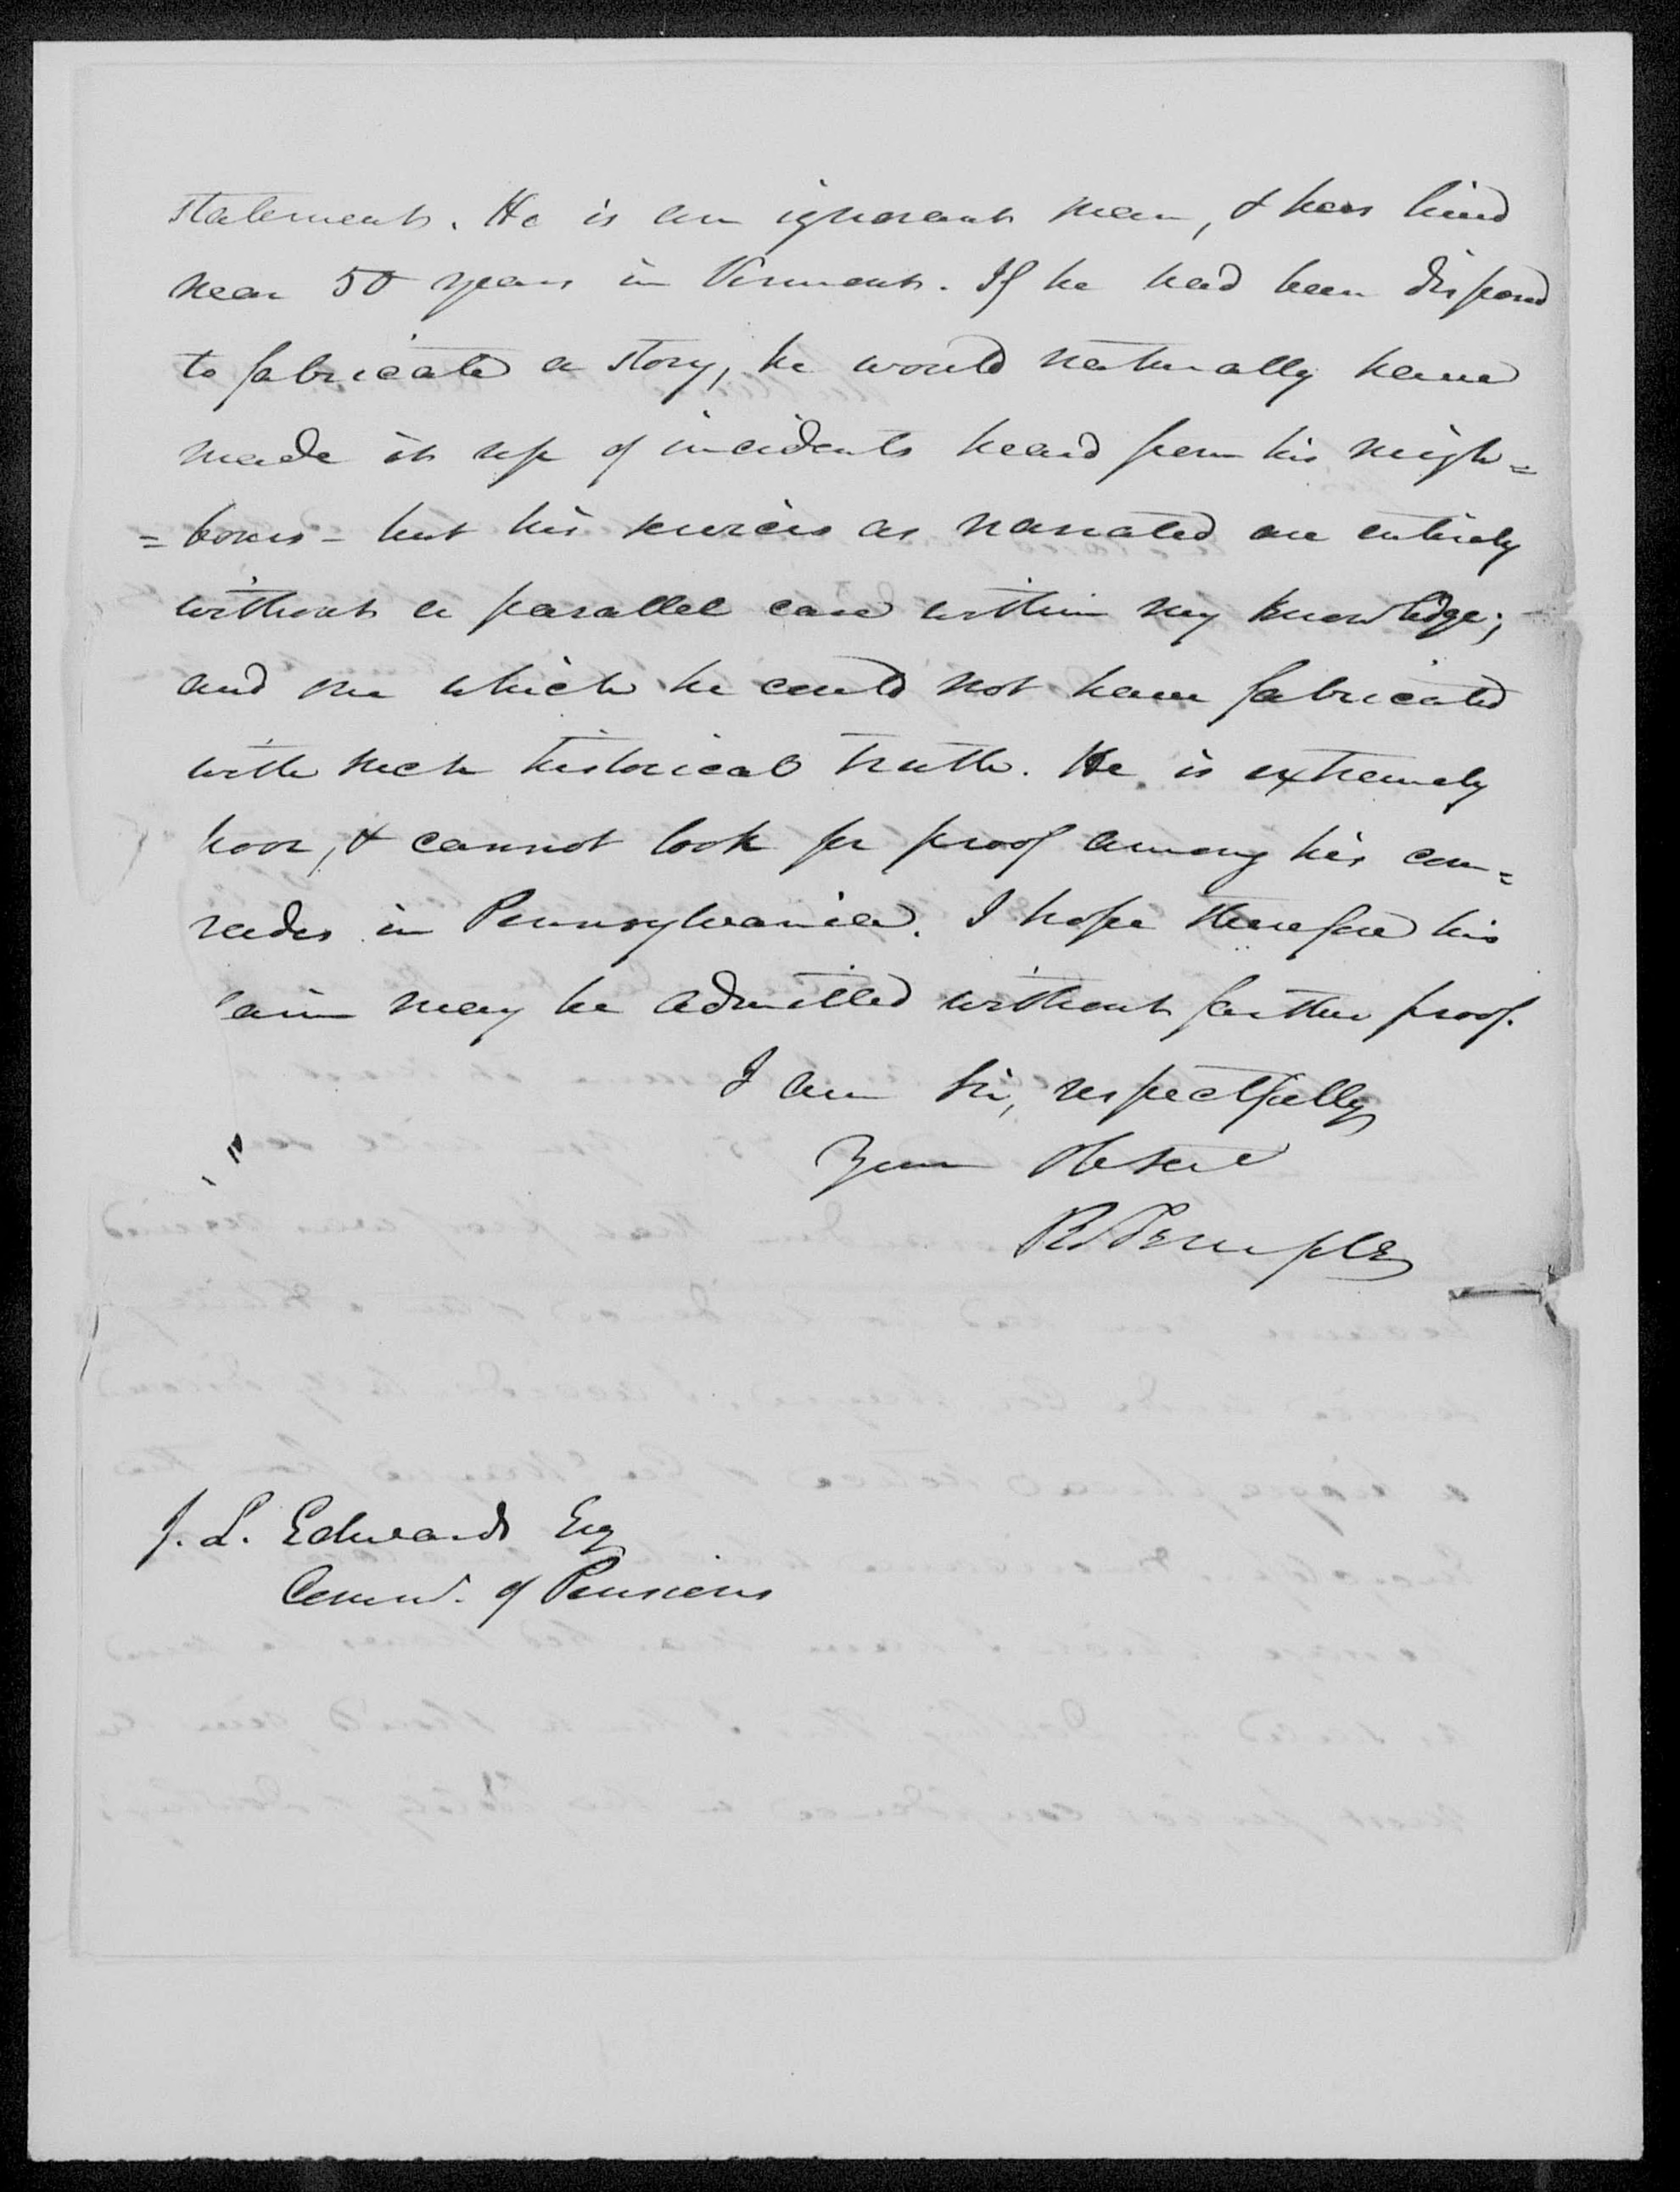statements. He is an ignorant man, & has lived near 50 years in Vermont. If he had been disposed to fabricate a story, he would naturally have made it up of incidents heard from his neighbors - but his services as narrated are entirely without a parallel case within my knowledge; and one which he could not have fabricated with such historical truth. He is extremely poor & cannot look for proof among his comrades in Pennsylvania. I hope therefore his case may be admitted without further proof.
I am his respectfully,
Your obt. servt.
R Temple [signature]

J. L. Edwards Esq
Comm. of Pensions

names: J L Edwards, R Temple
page: 16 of 17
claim: survivor's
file: S. 10575, James Dowling, Penn.